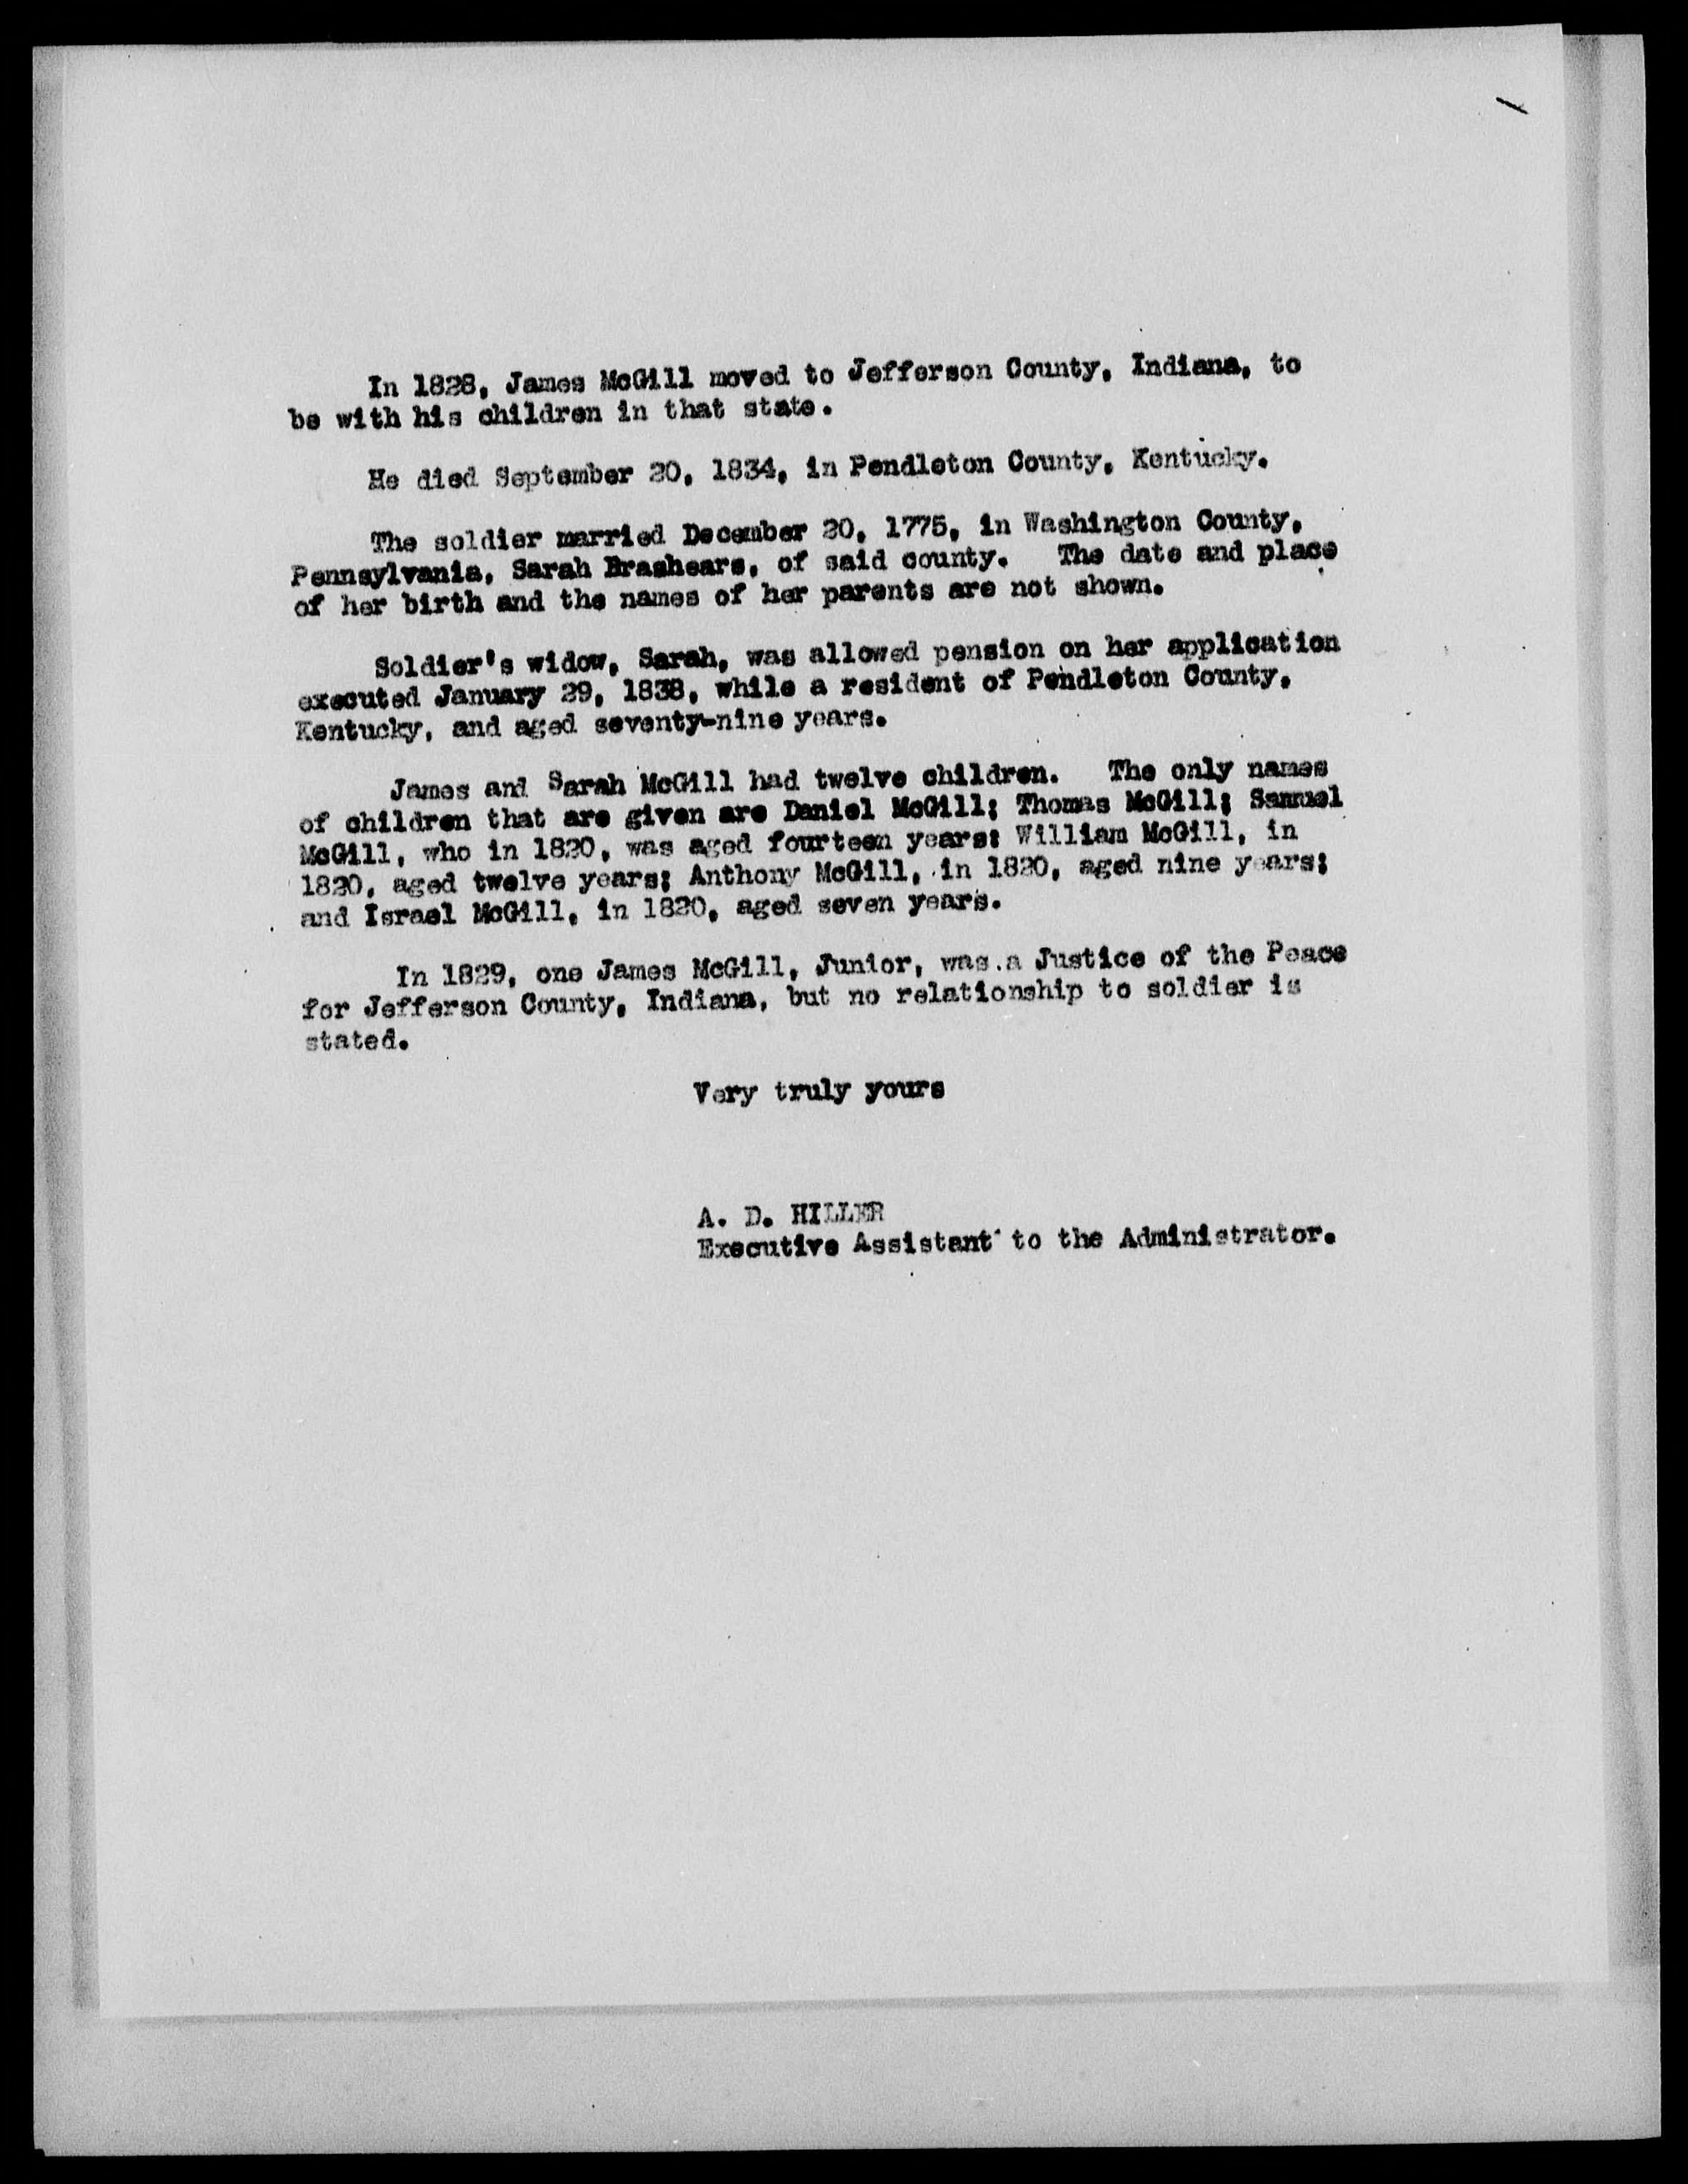Image 127 4160873_00127
Fold3 File #23857293

[Continued from image 126]

In 1828 he moved to Jefferson County, Indiana to be with his children in that state.  
He died September 20, 1834, in Pendleton County, Kentucky.
The soldier married December 20, 1775, in Washington County, Pennsylvania, Sarah Brashears of said county. The date and place of her birth and the names of her parents are not shown. 
Soldier's widow, Sarah, was allowed pension on her application executed on January 29, 1838, while a resident of Pendleton County, Kentucky, aged seventy-nine years. 
James and Sarah McGill had twelve children. The only names of children that are given are Daniel McGill;  Thomas McGill; Samuel McGill, who in 1820, was aged fourteen years; William McGill, in 1820, aged twelve years; Anthony McGill, in 1820, aged nine years; and Israel McGill, in 1820, aged seven years.
In 1829, one James McGill, Junior, was a Justice of the Peace for Jefferson County, Indiana, but no relationship to soldier is stated.
Very truly yours
A. D. Hiller
Executive Assistant to the Administrator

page: 69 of 71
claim: widow's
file: W. 8428, for James Mc Gill, Pennsylvania